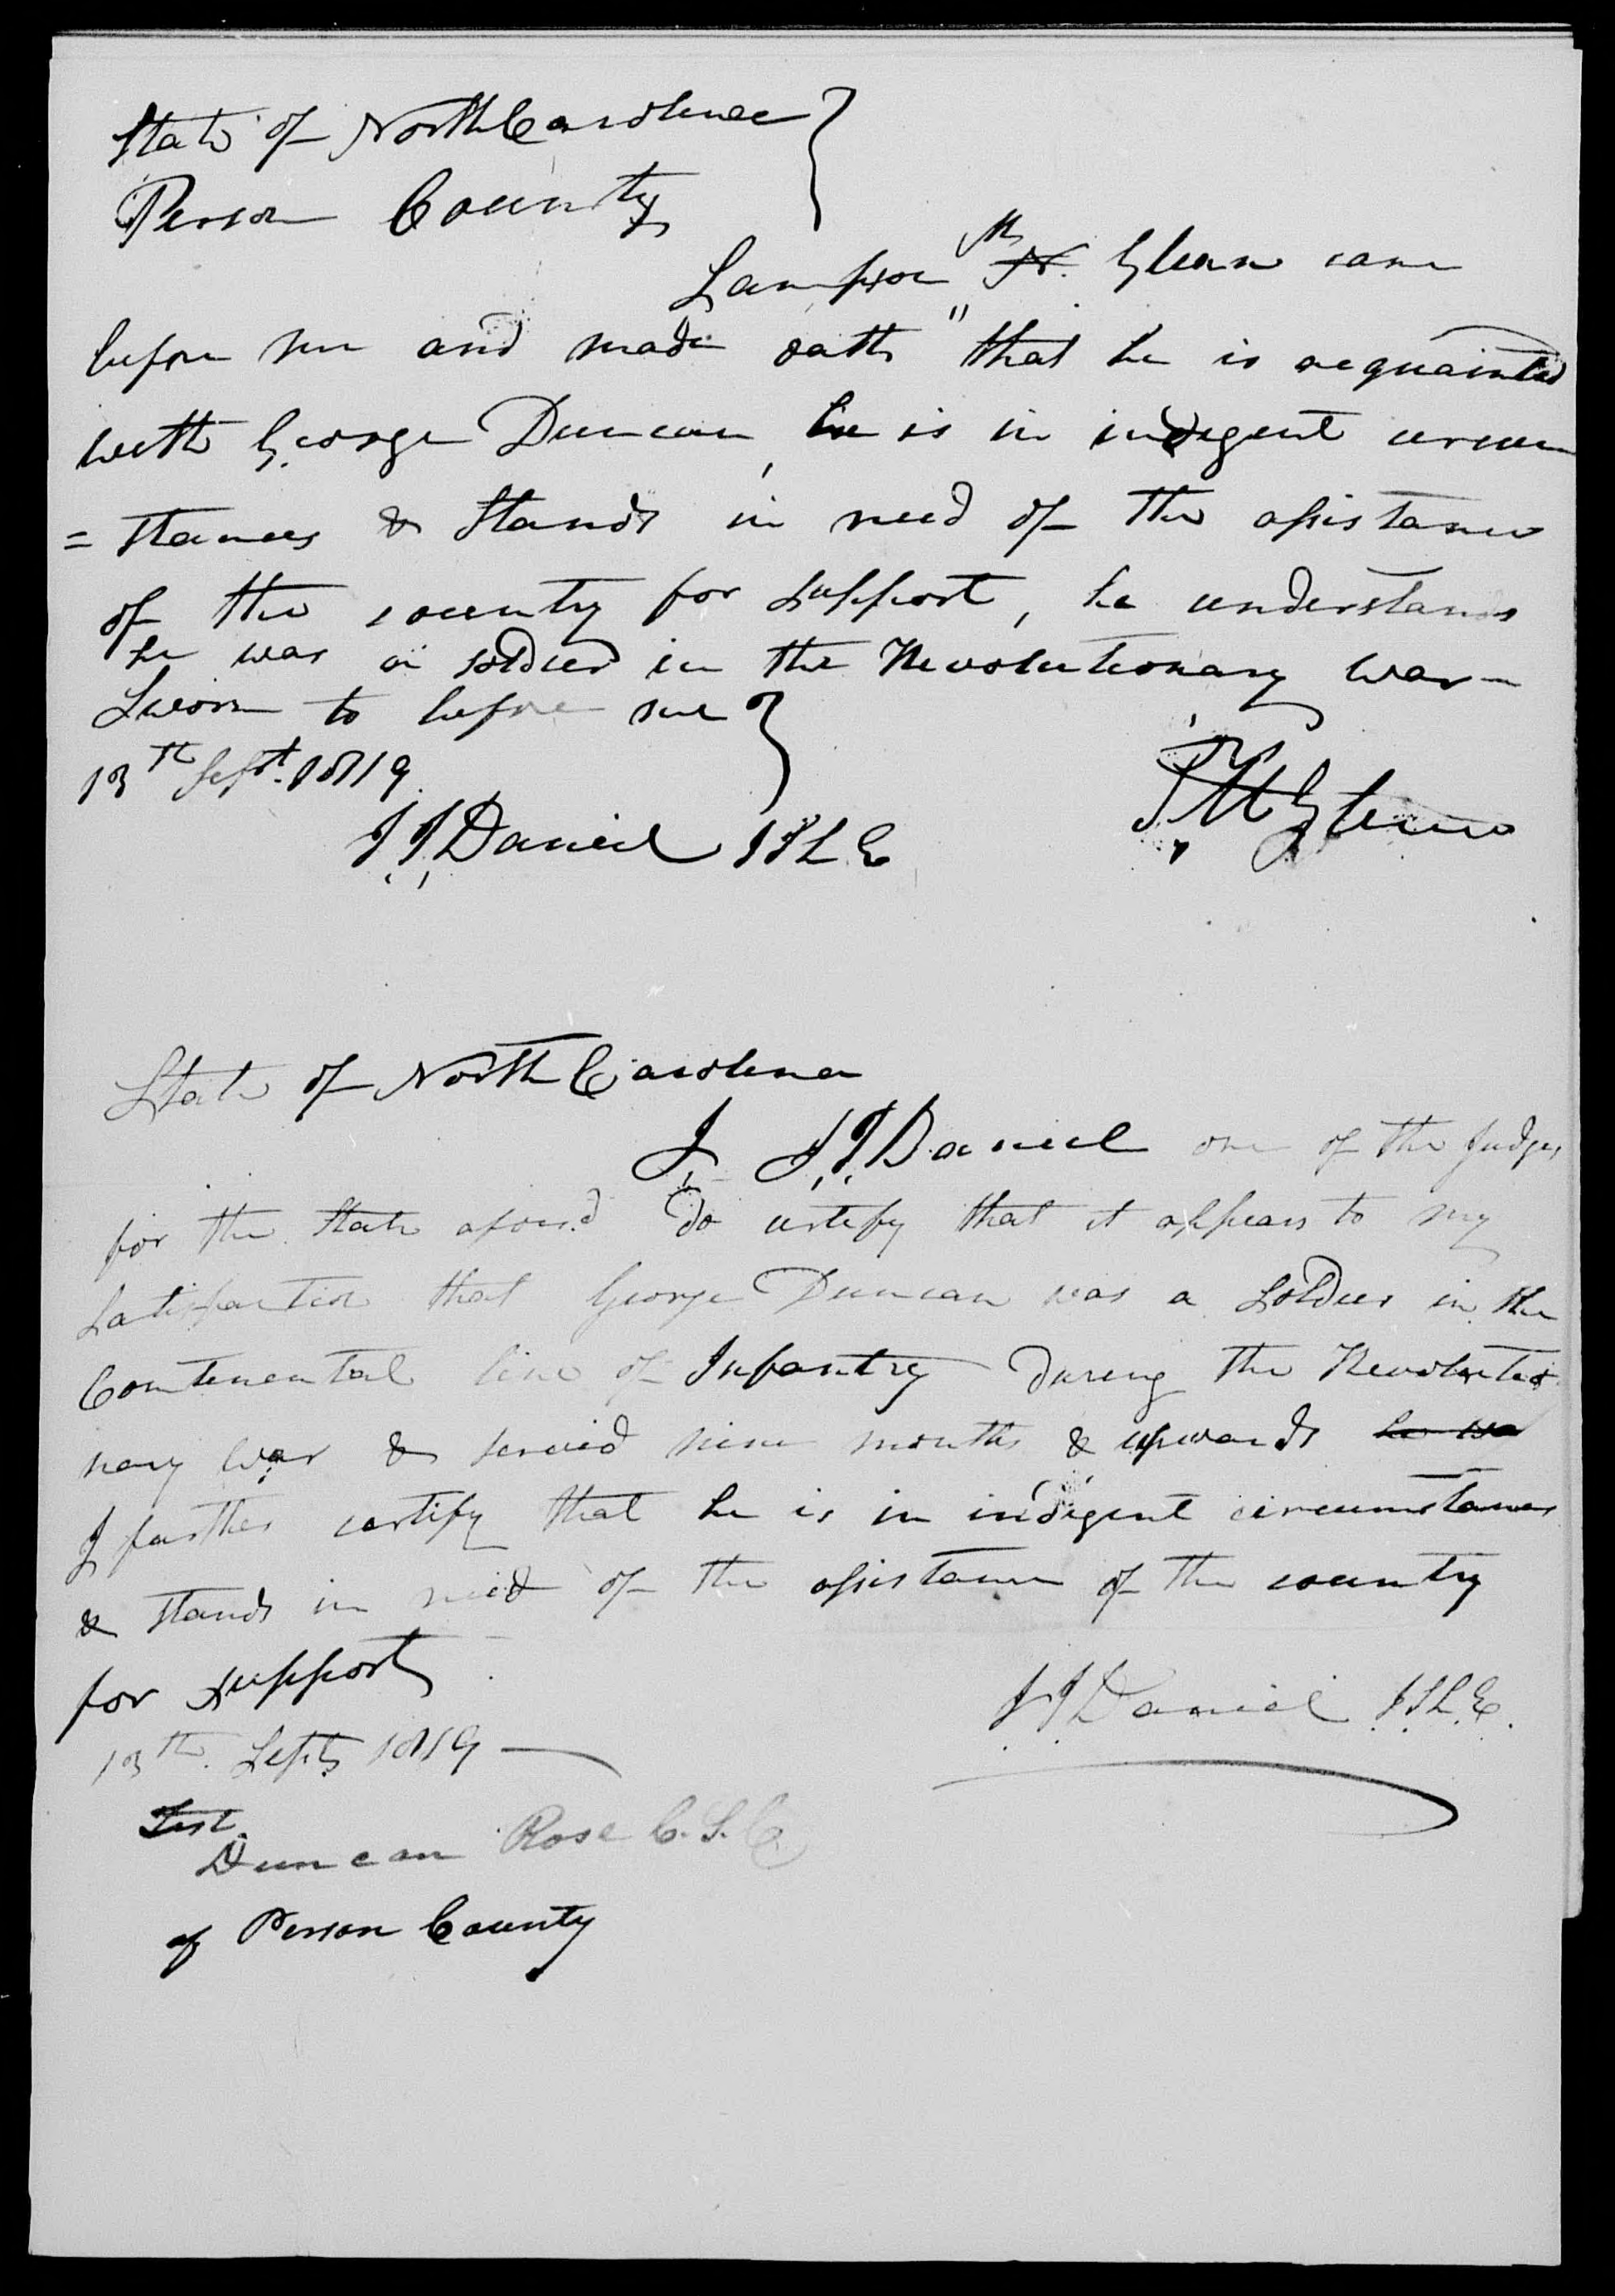State of North Carolina }
Person County              } 

Lampson M Glenn came before me and made oath that he is acquainted with George Duncan, he is in indigent circumstances & stands in need of the assistance of the country for support, he understands he was a soldier in the Revolutionary War.

L M Glenn

Sworn to before me  }
13th Sept 1819          }  J J Daniel J J L C.


State of North Carolina

J J Daniel one of the Judges for the State aforesd (aforesaid) do certify that it appears to my satisfaction that George Duncan was a soldier in the Continental line of Infantry during the Revolutionary War & served nine months & upwards.  I further certify that he is in indigent circumstances & stands in need of the assistance of the country for support.

13th Sept 1819          J J Daniel   J. J. L. C.

Test.
Duncan Rose C. S. C.
of Person  County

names: J J Daniel, J J Daniel, Rose Duncan, George Duncan, P M Glover, J J Daniel, George Duncan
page: 14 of 49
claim: survivor's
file: S. 41513, George Duncan, N.C.